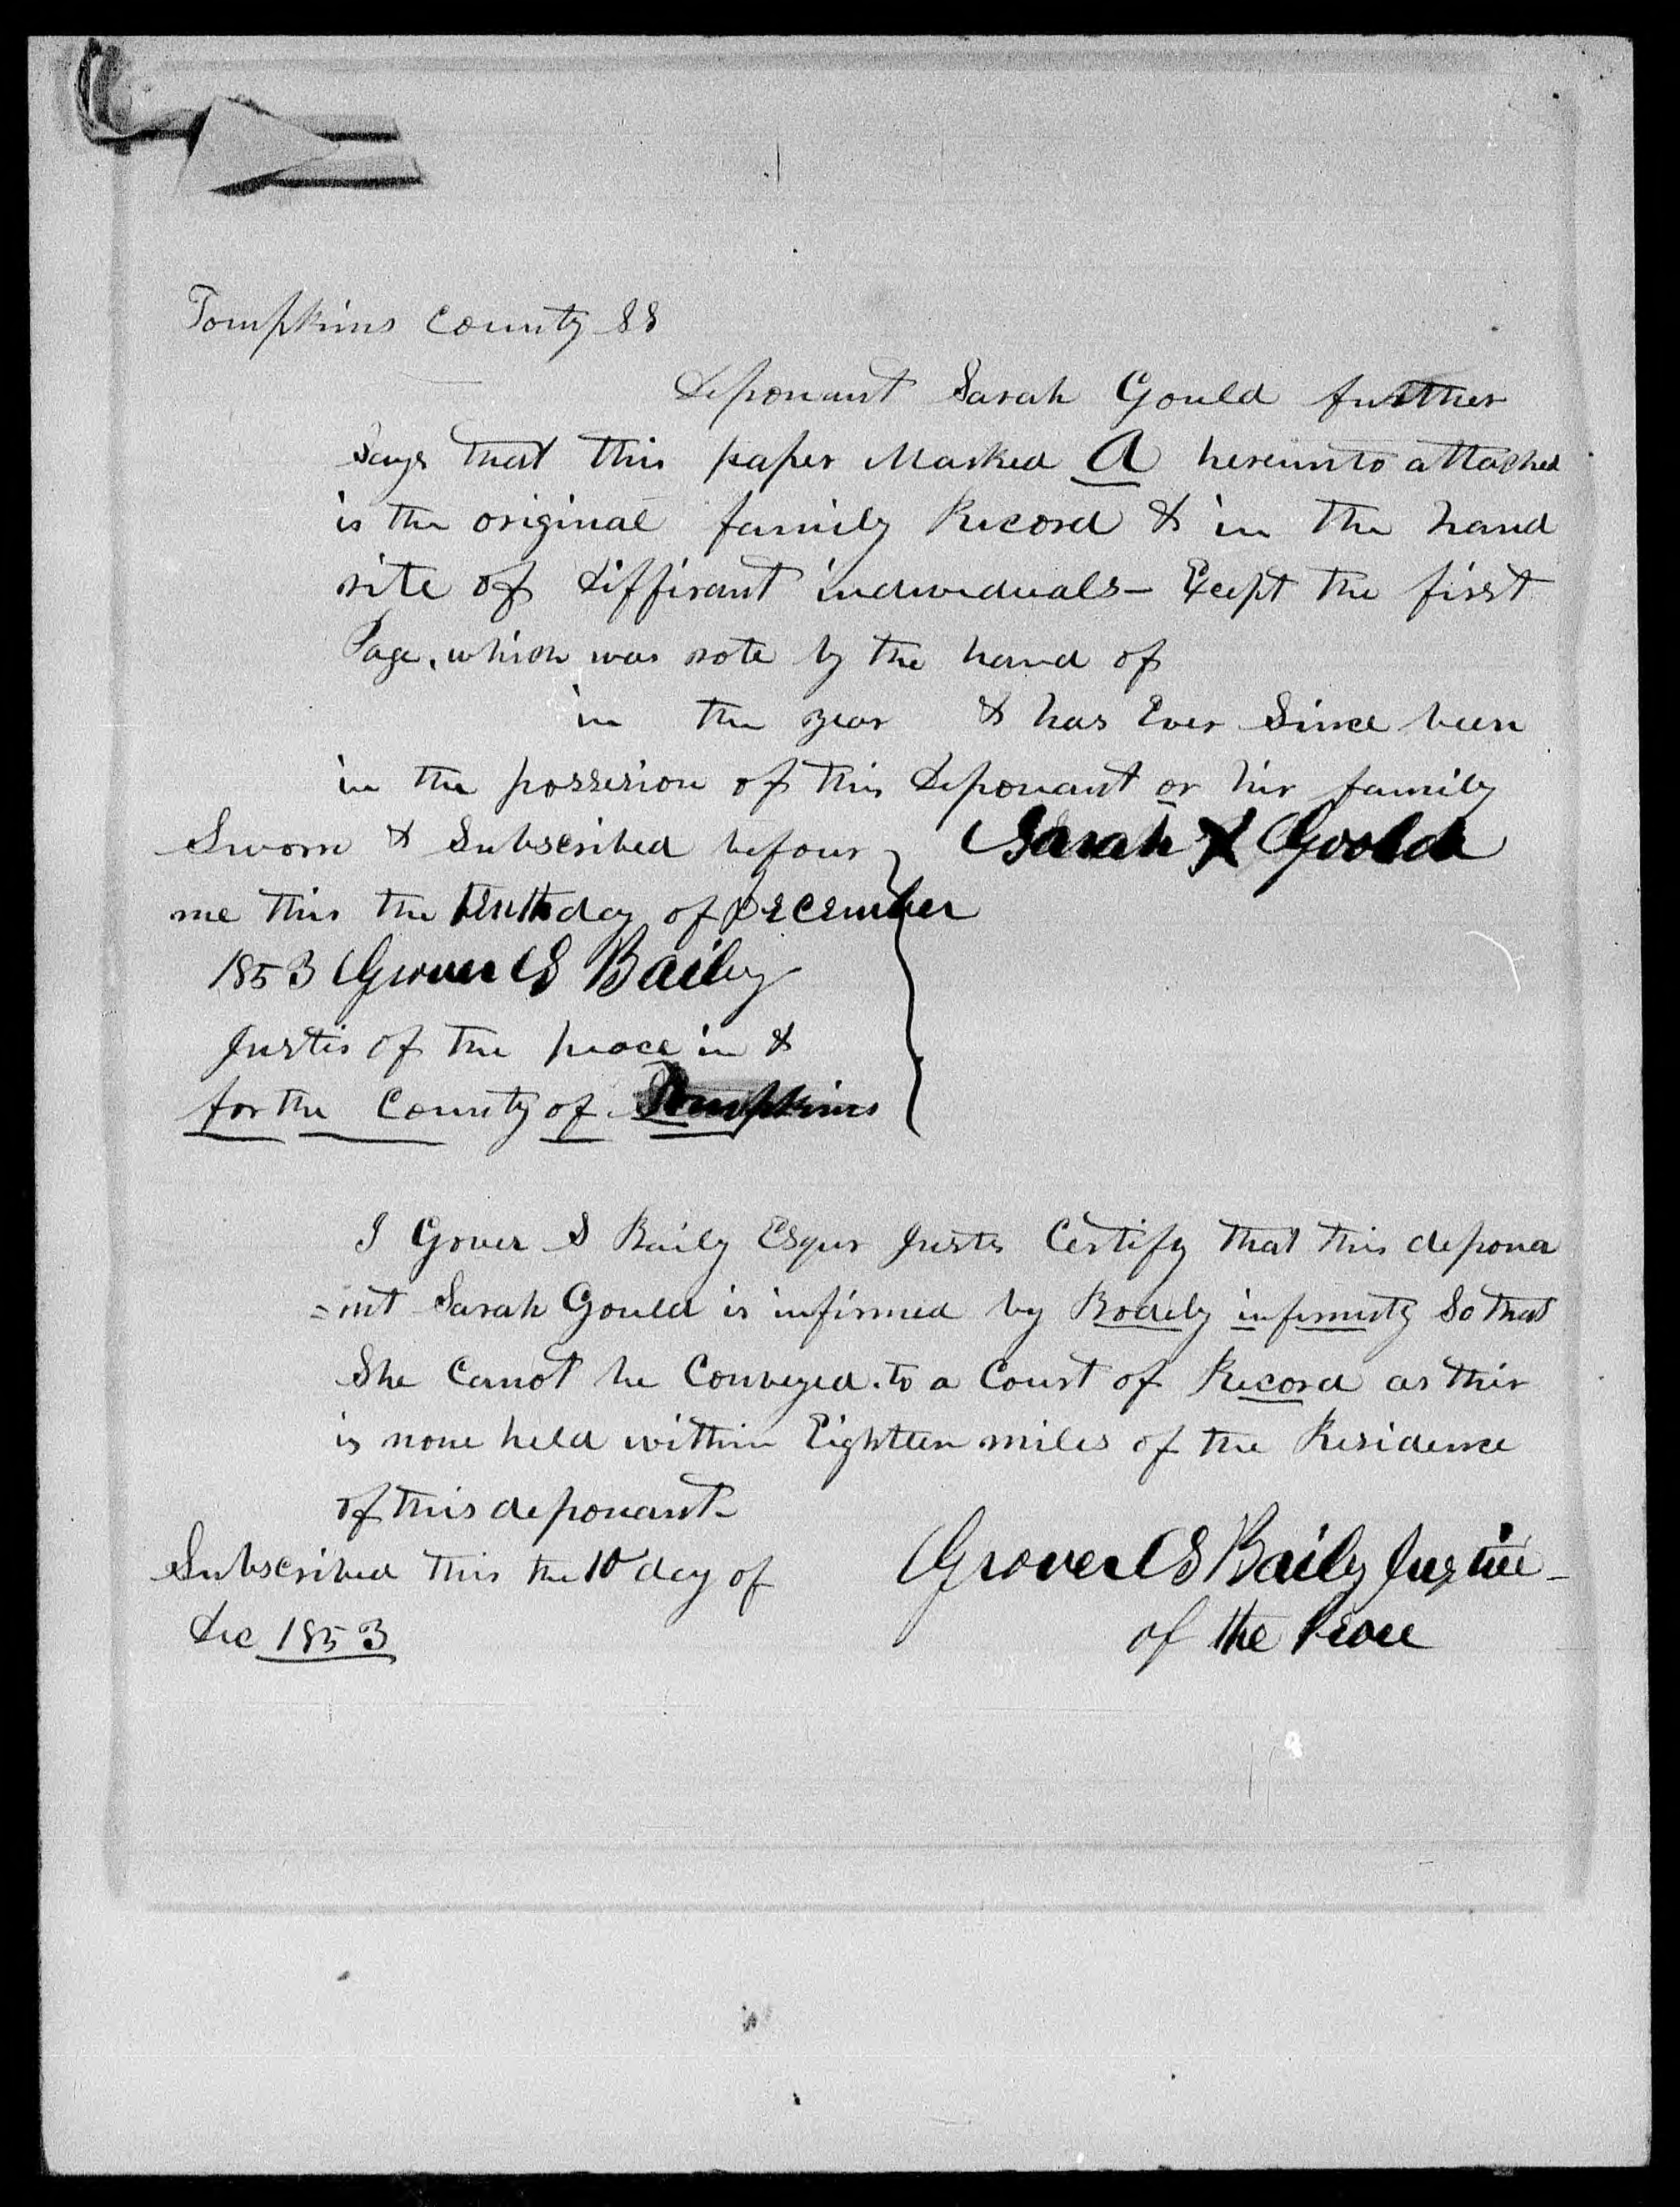Tompkins County

Despondent Sara Gould further says that this paper marked A hereunto attached is the original family record & in the hand write[sic] of different individuals - except the first page, which was wrote by the hand of ___[blank]__ in the year __[blank]__ & has ever since been in the possession of this desponant or his family 

Sarah Gould [her mark]

Sworn & subscribed before me this the birthday of December 1853
Grover S Bailey
Justice of the Peace in & for the County of Tompkins

I Grover S Bailey Esquire [illegible] that this deponent Sarah Gould is infirmed by bodily infirmity so that she canot be conveyed to a court of Record as this is none held within Eighteen miles of the Residence of this deponent-

Grover S Bailey Justice of the Peach 

Subscribed this the 10th day of Dec 1853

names: Grover S Bailey, Sarah Goold, Sarah Gould, Grover S Bailey, Grover S Baily, Sarah Gould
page: 5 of 20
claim: rejected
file: R. 4,161, William Gould, New York